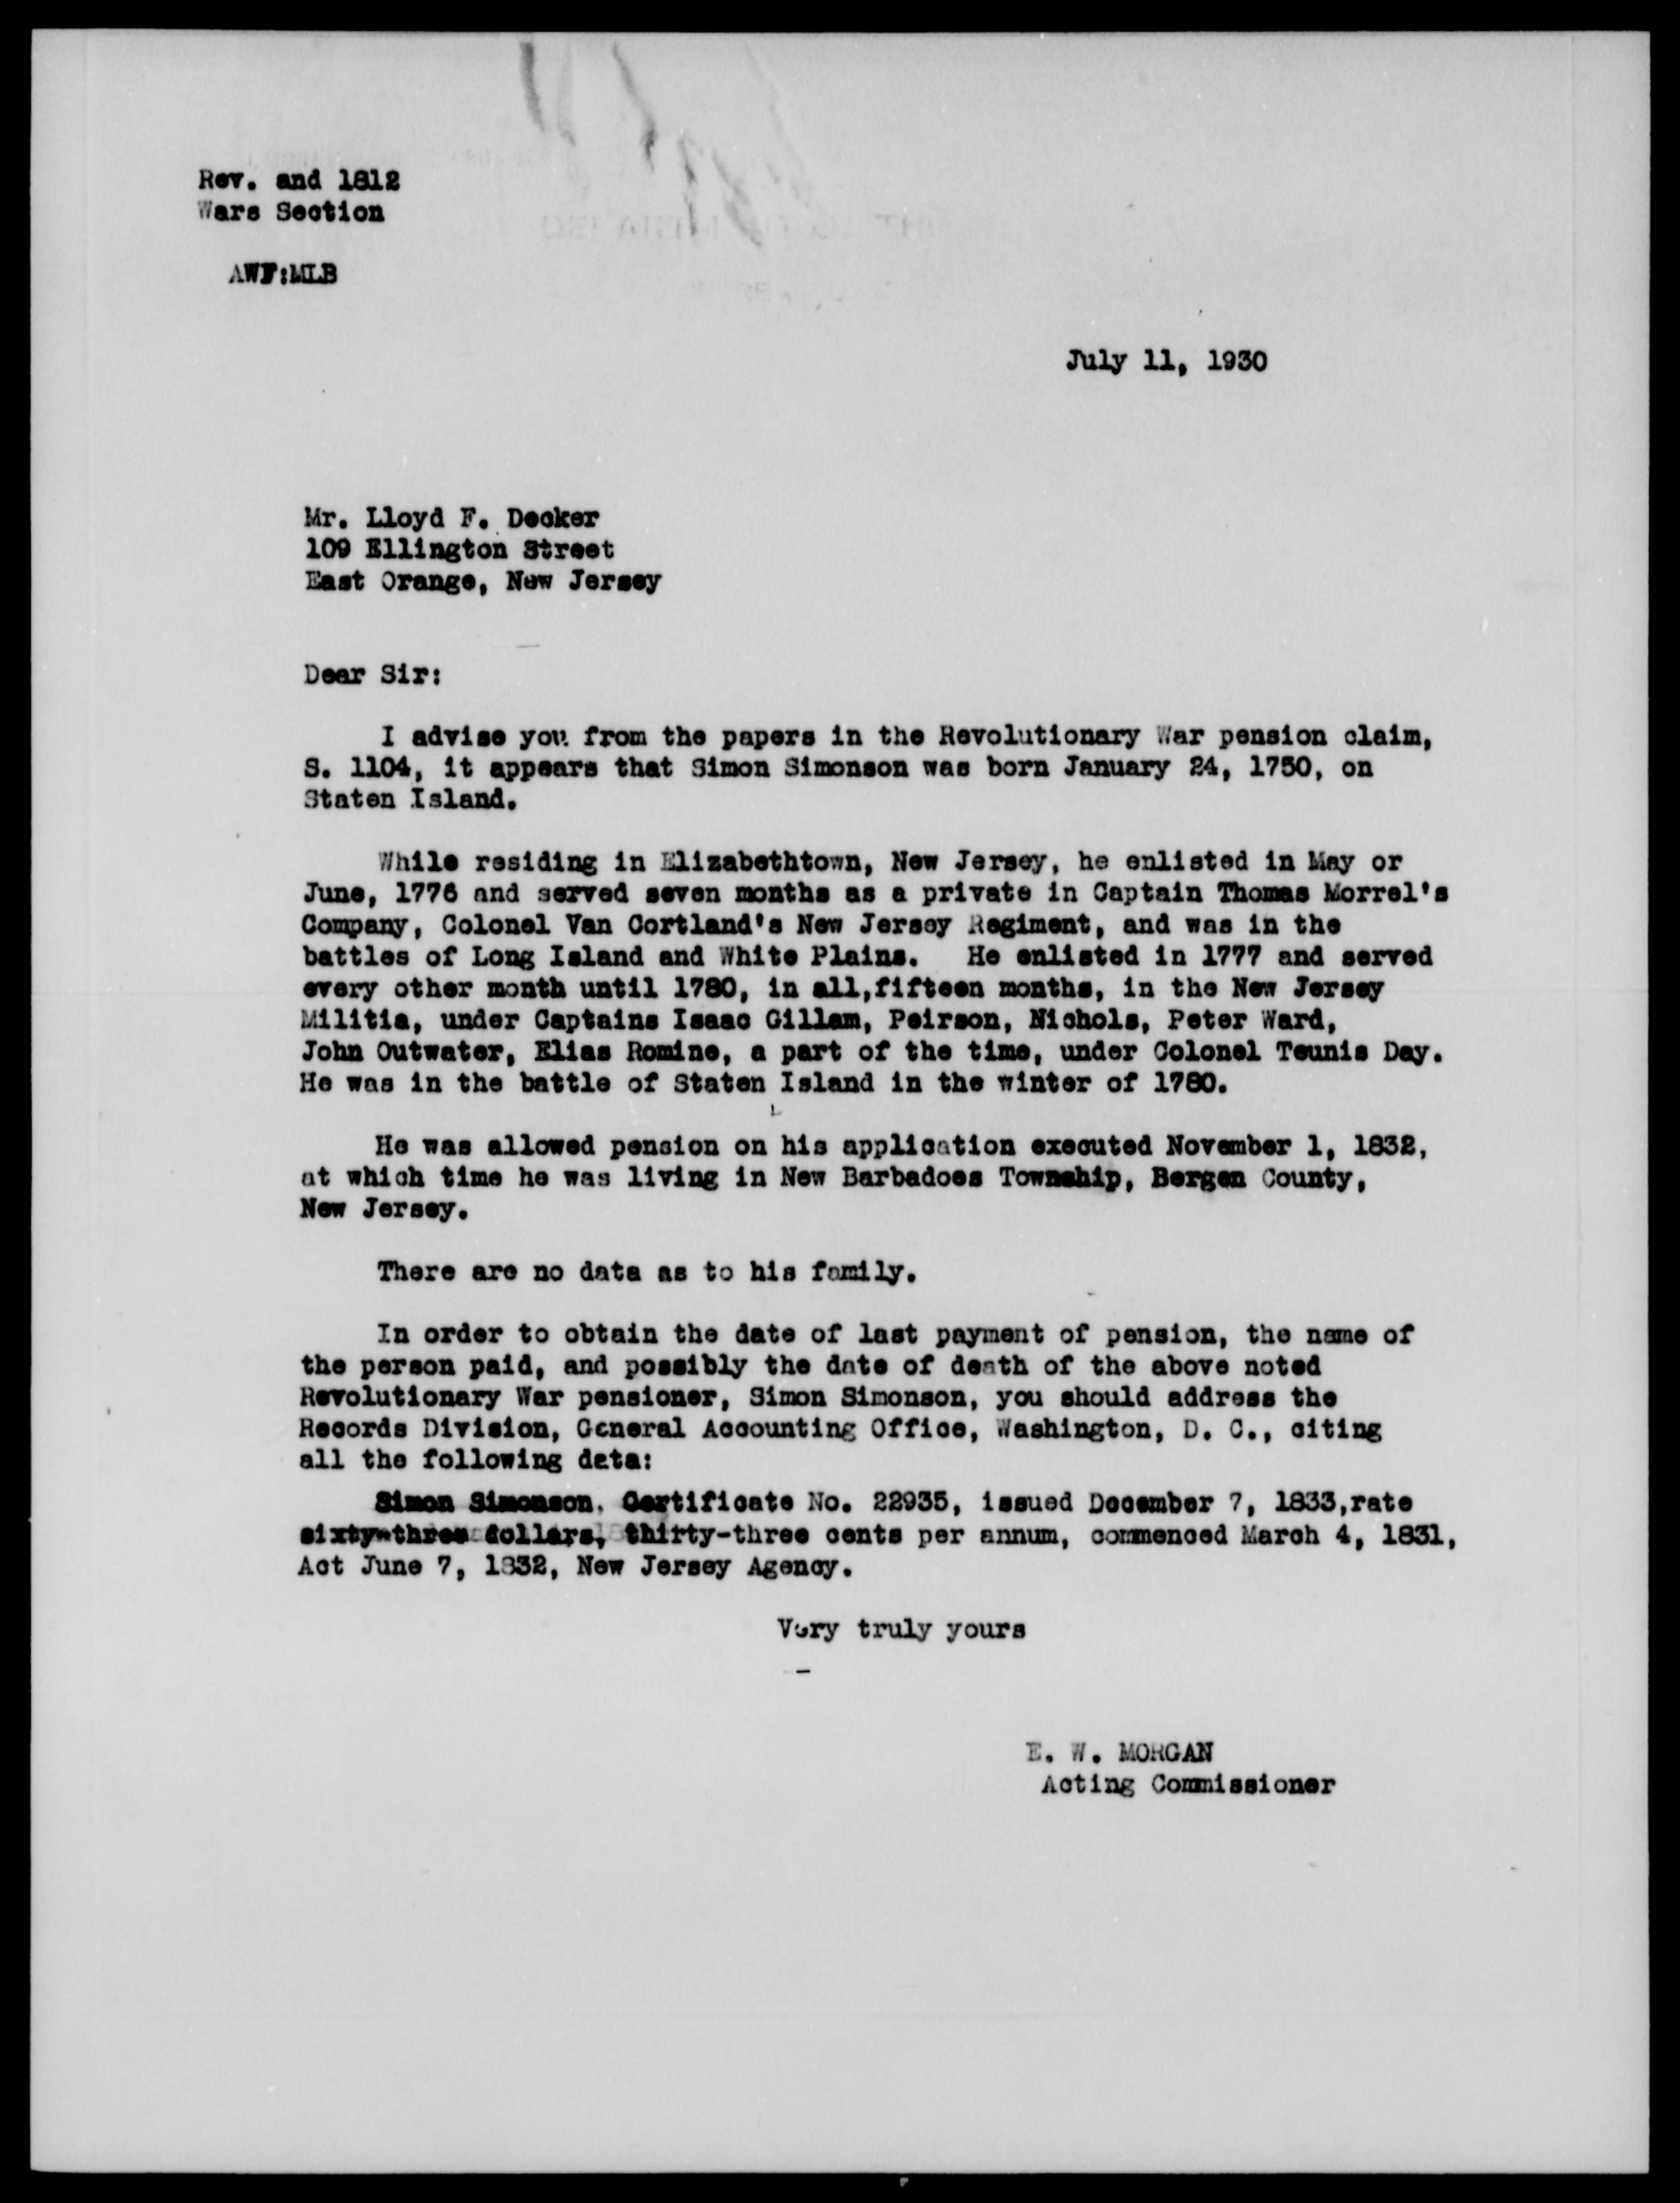Rev. and 1812
Wars Section

AWF:MLB

July 11, 1930

Mr. Lloyd F. Decker
109 Ellington Street
East Orange, New Jersey

Dear Sir:

I advise you from the papers in the Revolutionary War pension claim, S. 1104, it appears that Simon Simonson was born January 24, 1750, on Staten Island.

While residing in Elizabethtown, New Jersey, he enlisted in May or June, 1776 and served seven months as a private in Captain Thomas Morrel's
Company, Colonel Van Cortland's New Jersey Regiment, and was in the battles of Long Island and White Plains. He enlisted in 1777 and served every other month until 1780, in all fifteen months, in the New Jersey Militia, under Captains Isaac Gillam, Peirson, Nichols, Peter Ward, John Outwater, Elias Romine, a part of the time, under Colonel Teunis Day. He was in the battle of Staten Island in the winter of 1780.

He was allowed pension on his application executed November 1, 1832, at which time he was living in New Barbadoes Township, Bergen County, New Jersey.

There are no data as to his family.

In order to obtain the date of last payment of pension, the name of the person paid, and possibly the date of death of the above noted
Revolutionary War pensioner, Simon Simonson, you should address the Records Division, General Accounting Office, Washington, D. C., citing all the following data:

Simon Simonson, Certificate No. 22935, issued December 7, 1833, rate sixty-three dollars, thirty-three cents per annum, commenced March 4, 1831, Act June 7, 1832, New Jersey Agency.

Very truly yours
E. W. MORGAN
Acting Commissioner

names: [BLANK] Peirson; Peter Ward; Lloyd F Decker; Isaac Gillam; Elias Romine; Simon Simonson; John Outwater; Simon Simonson; [BLANK] Nichols; Teunis Day; Simon Simonson; E W Morgan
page: 11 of 30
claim: survivor's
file: S. 1104, for Simon Simonson, New Jersey